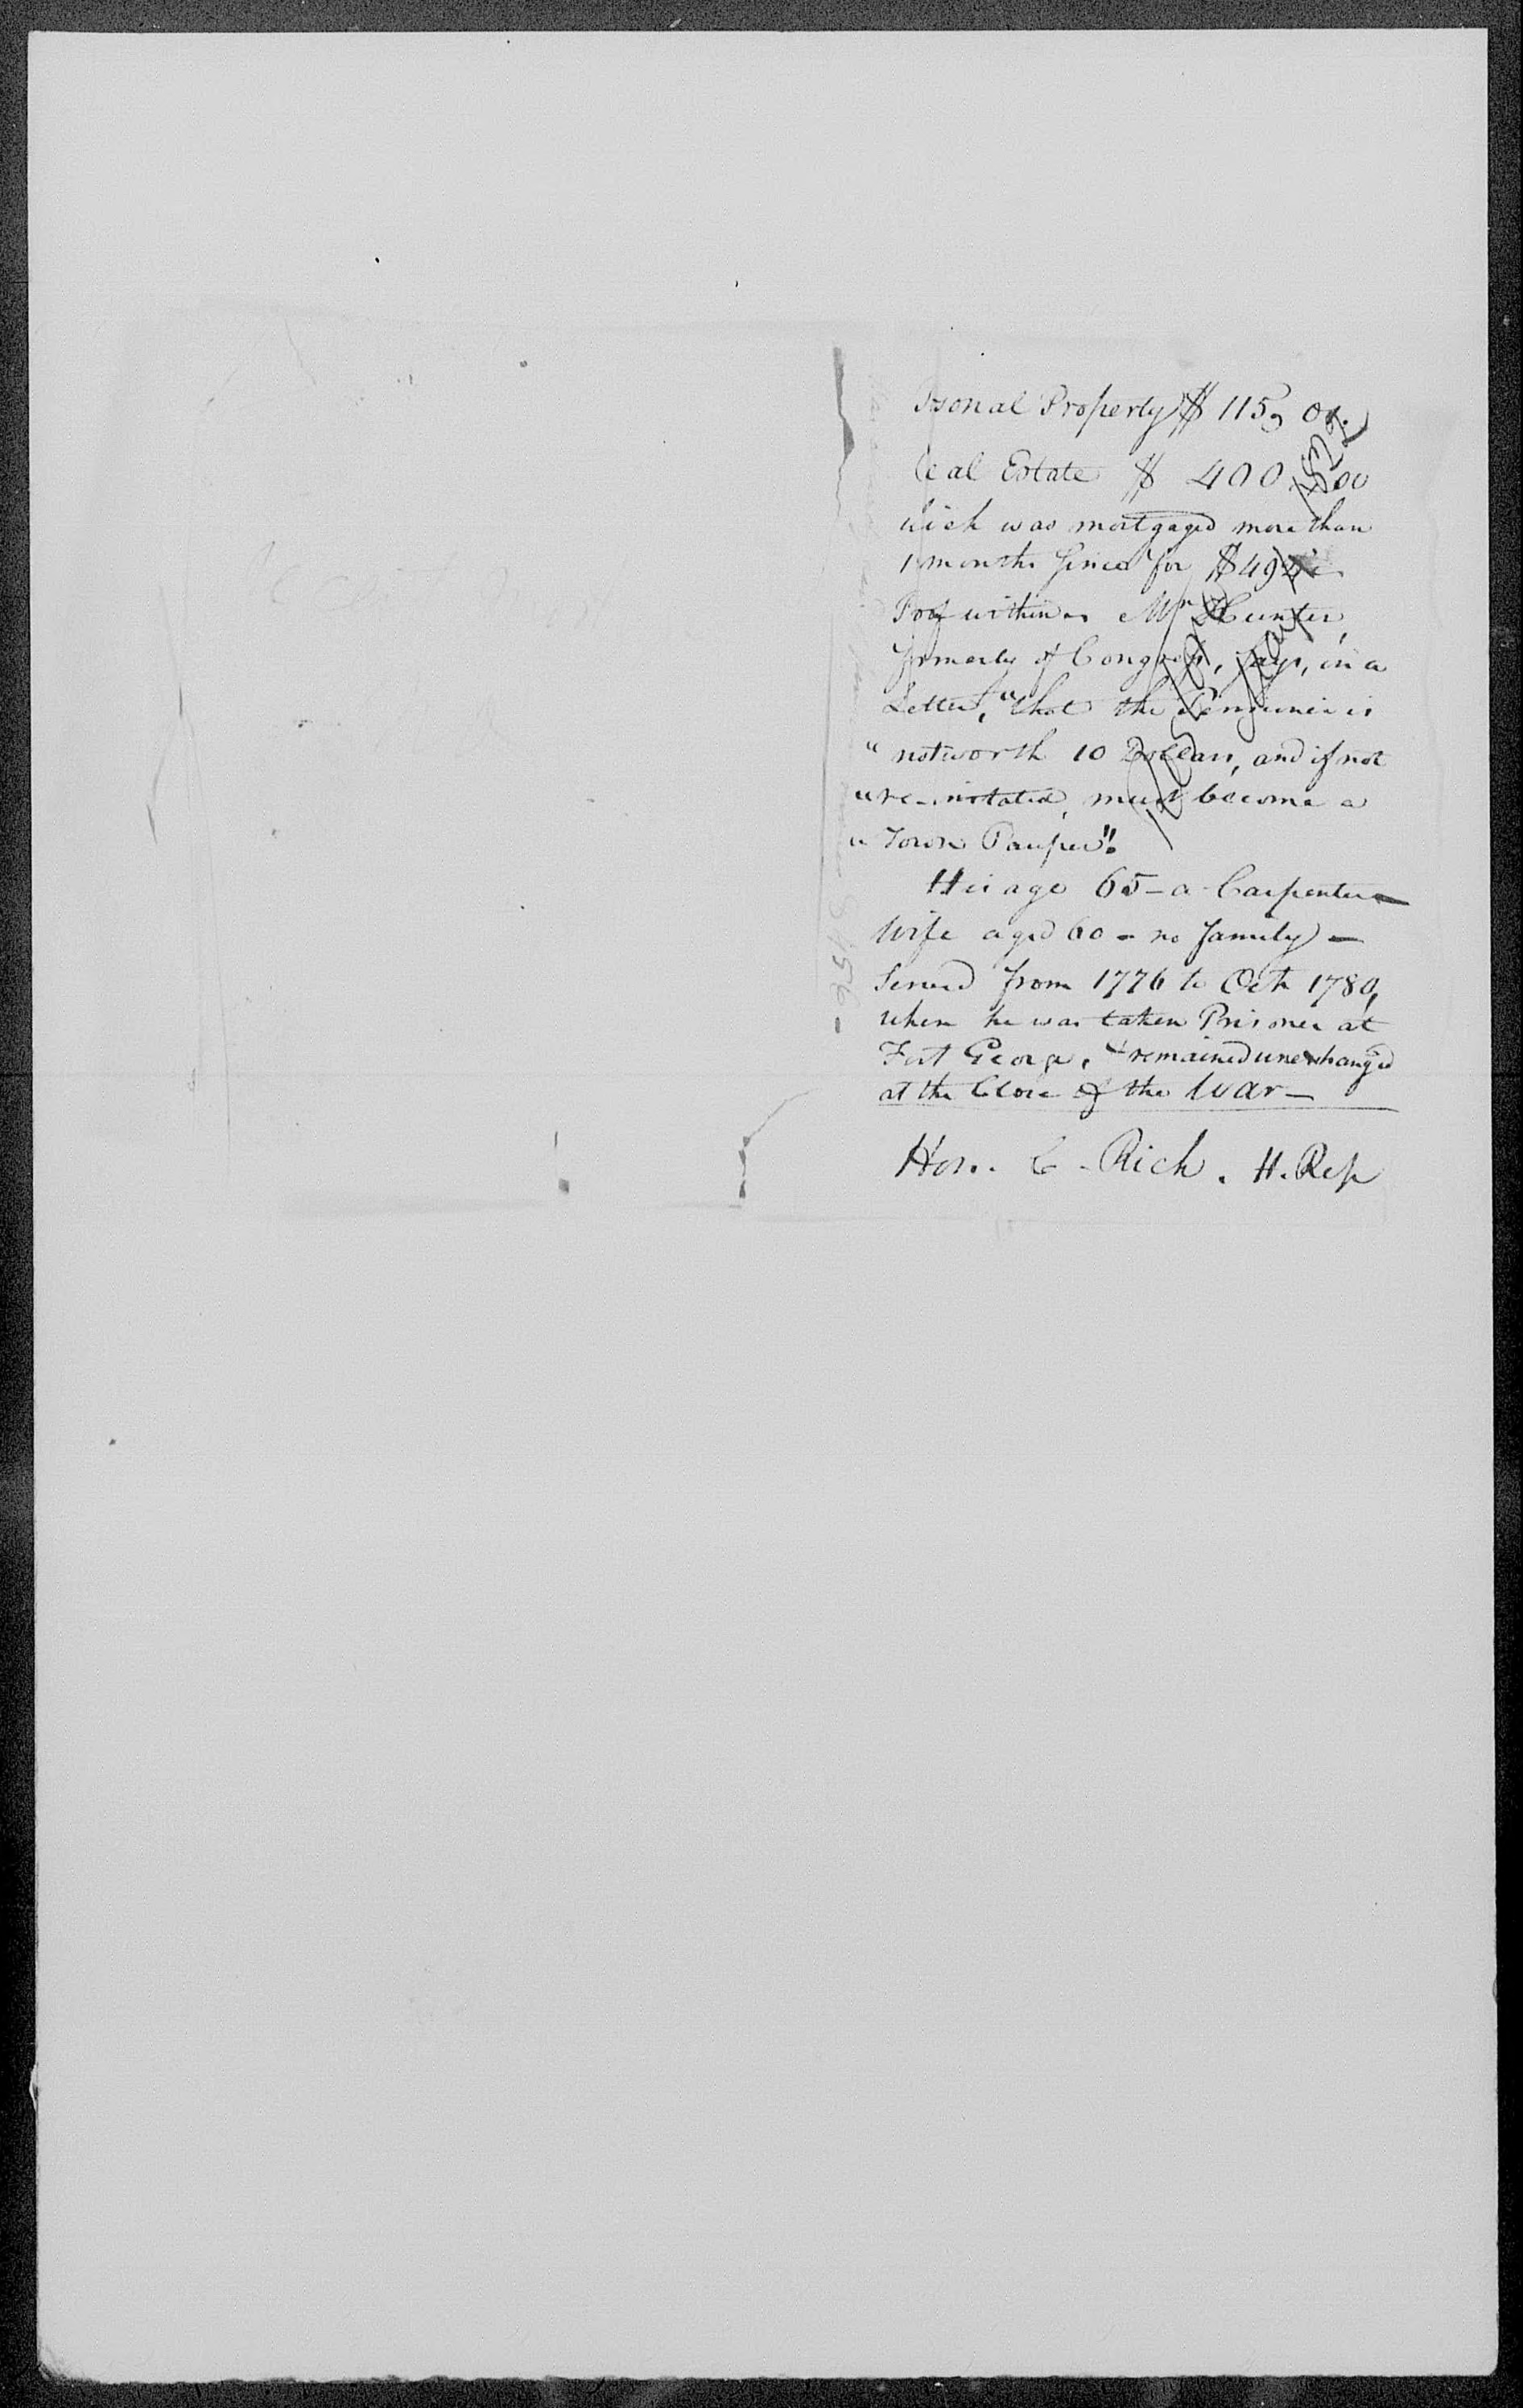Personal property $115 of
Real Estate $400 
which was mortgaged more than 1 month [illegible fined or fixed] for $494 for of within- Wm Hunter formerly of Congress, says in a Letter "that the pensioner is not worth 10 dollars, and if not re-initiated must become a Town Pauper."
His age 65-a Carpenter- wife aged 60-no family- 
served from 1776 to Oct 1780, when he was taken prisoner at Fort George and remained unexchanged at the close of the War
Hon. C. Rich H. Rep

Restore
May 4 1822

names: Hunter, H Ross, C Rich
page: 16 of 83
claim: widow's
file: W. 10,384, Oliver Barrett, Continental (Vt.) N.Y.